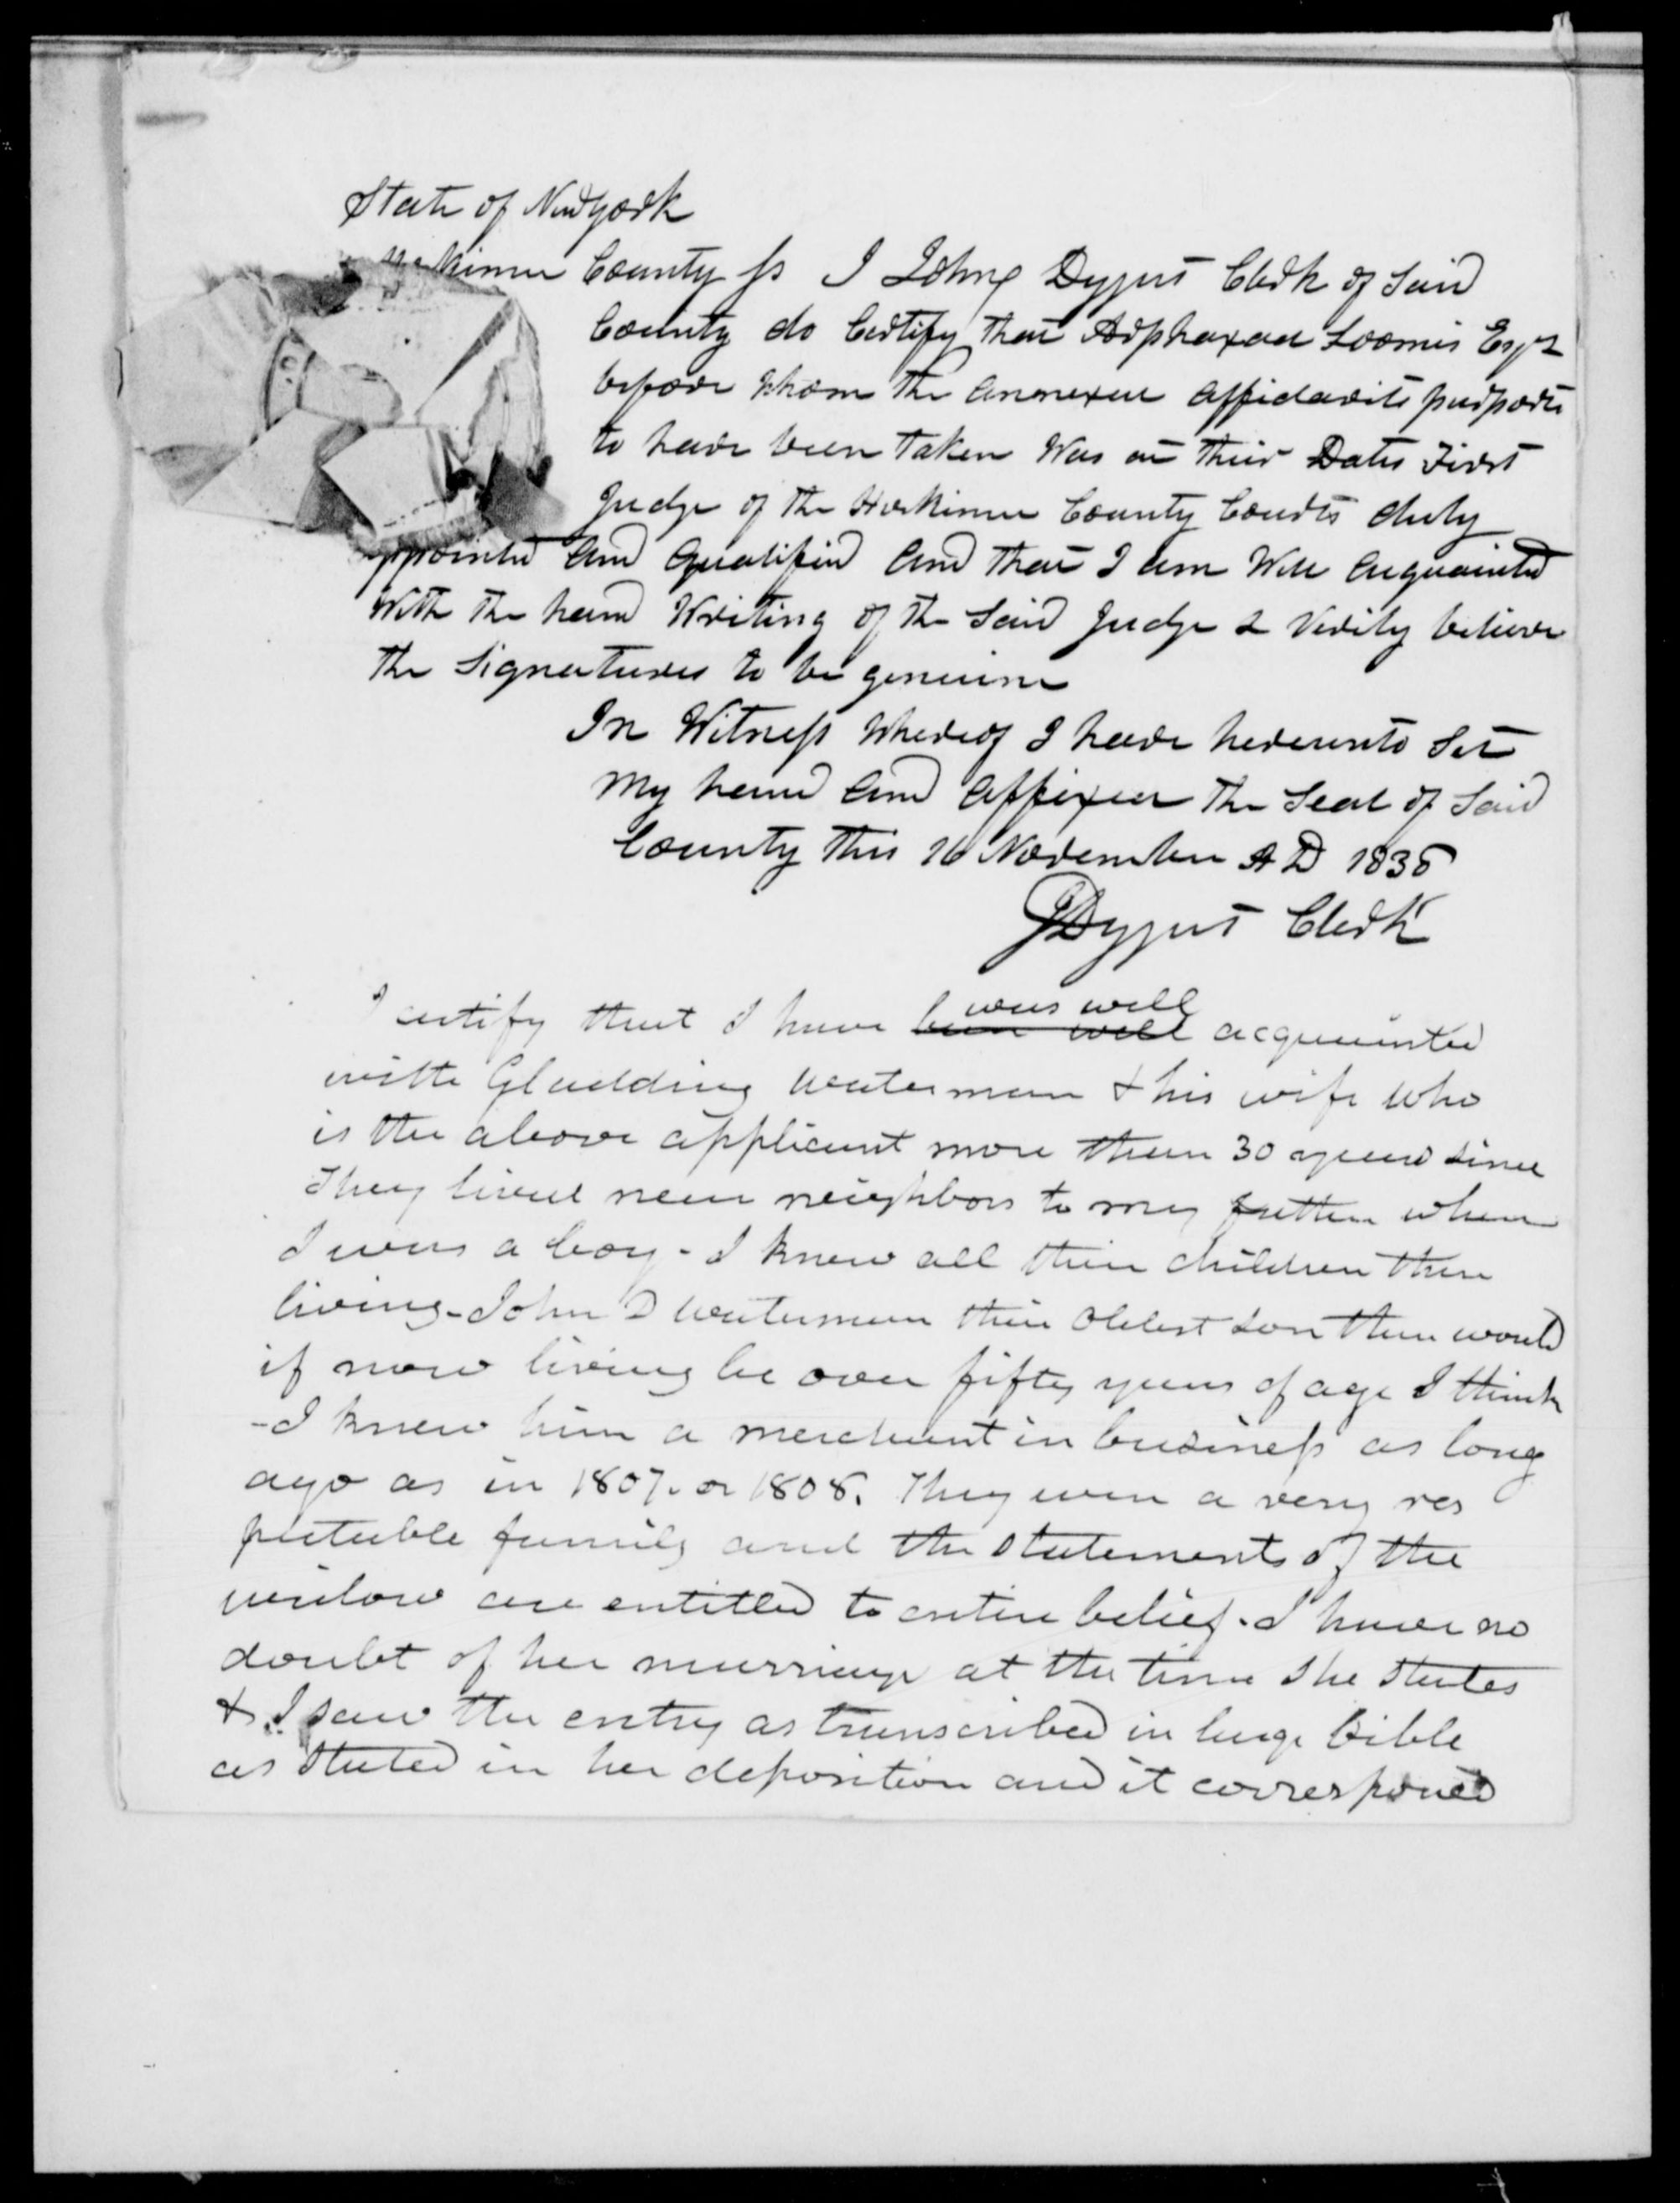State of New York
Herkimer County ss

I, John Dysert, Clerk of said County do certify that Arphaxad Loomis Esq, before whom the annexure affidavit purported to have been taken, was on this Date First Judge of the Herkimer County Court., duly appointed and qualified and that I am well acquainted with the hand writing of the said Judge & verily believe the signature to be genuine.
In Witness Whereof I have hereunto set my hand and affixed the seal of said County this 16 November AD 1838.
J Dysert   Clerk


I certify that I have [part crossed out] was well acquainted with Gladding Waterman & his wife, who is the above applicant, more than 30 years since they lived near neighbors to my father when I was boy. I knew all their children then living. John D Waterman, their oldest son then, would if now living be over fifty years of age, I think.  I knew him a merchant in business as long ago as in 1807 or 1808. They were a very respectable family. The statements of the widow are entitled to entire belief. I have no doubt of her marriage at the time she stated & I saw the entry as transcribed in large bible, as stated in her deposition and it corresponds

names: John D Waterman, Gladding Waterman, Arphaxad Loomis, John Dysert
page: 14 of 50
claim: widow's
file: W. 15814, Glading Waterman, Conn. Conn. Sea Service Continental